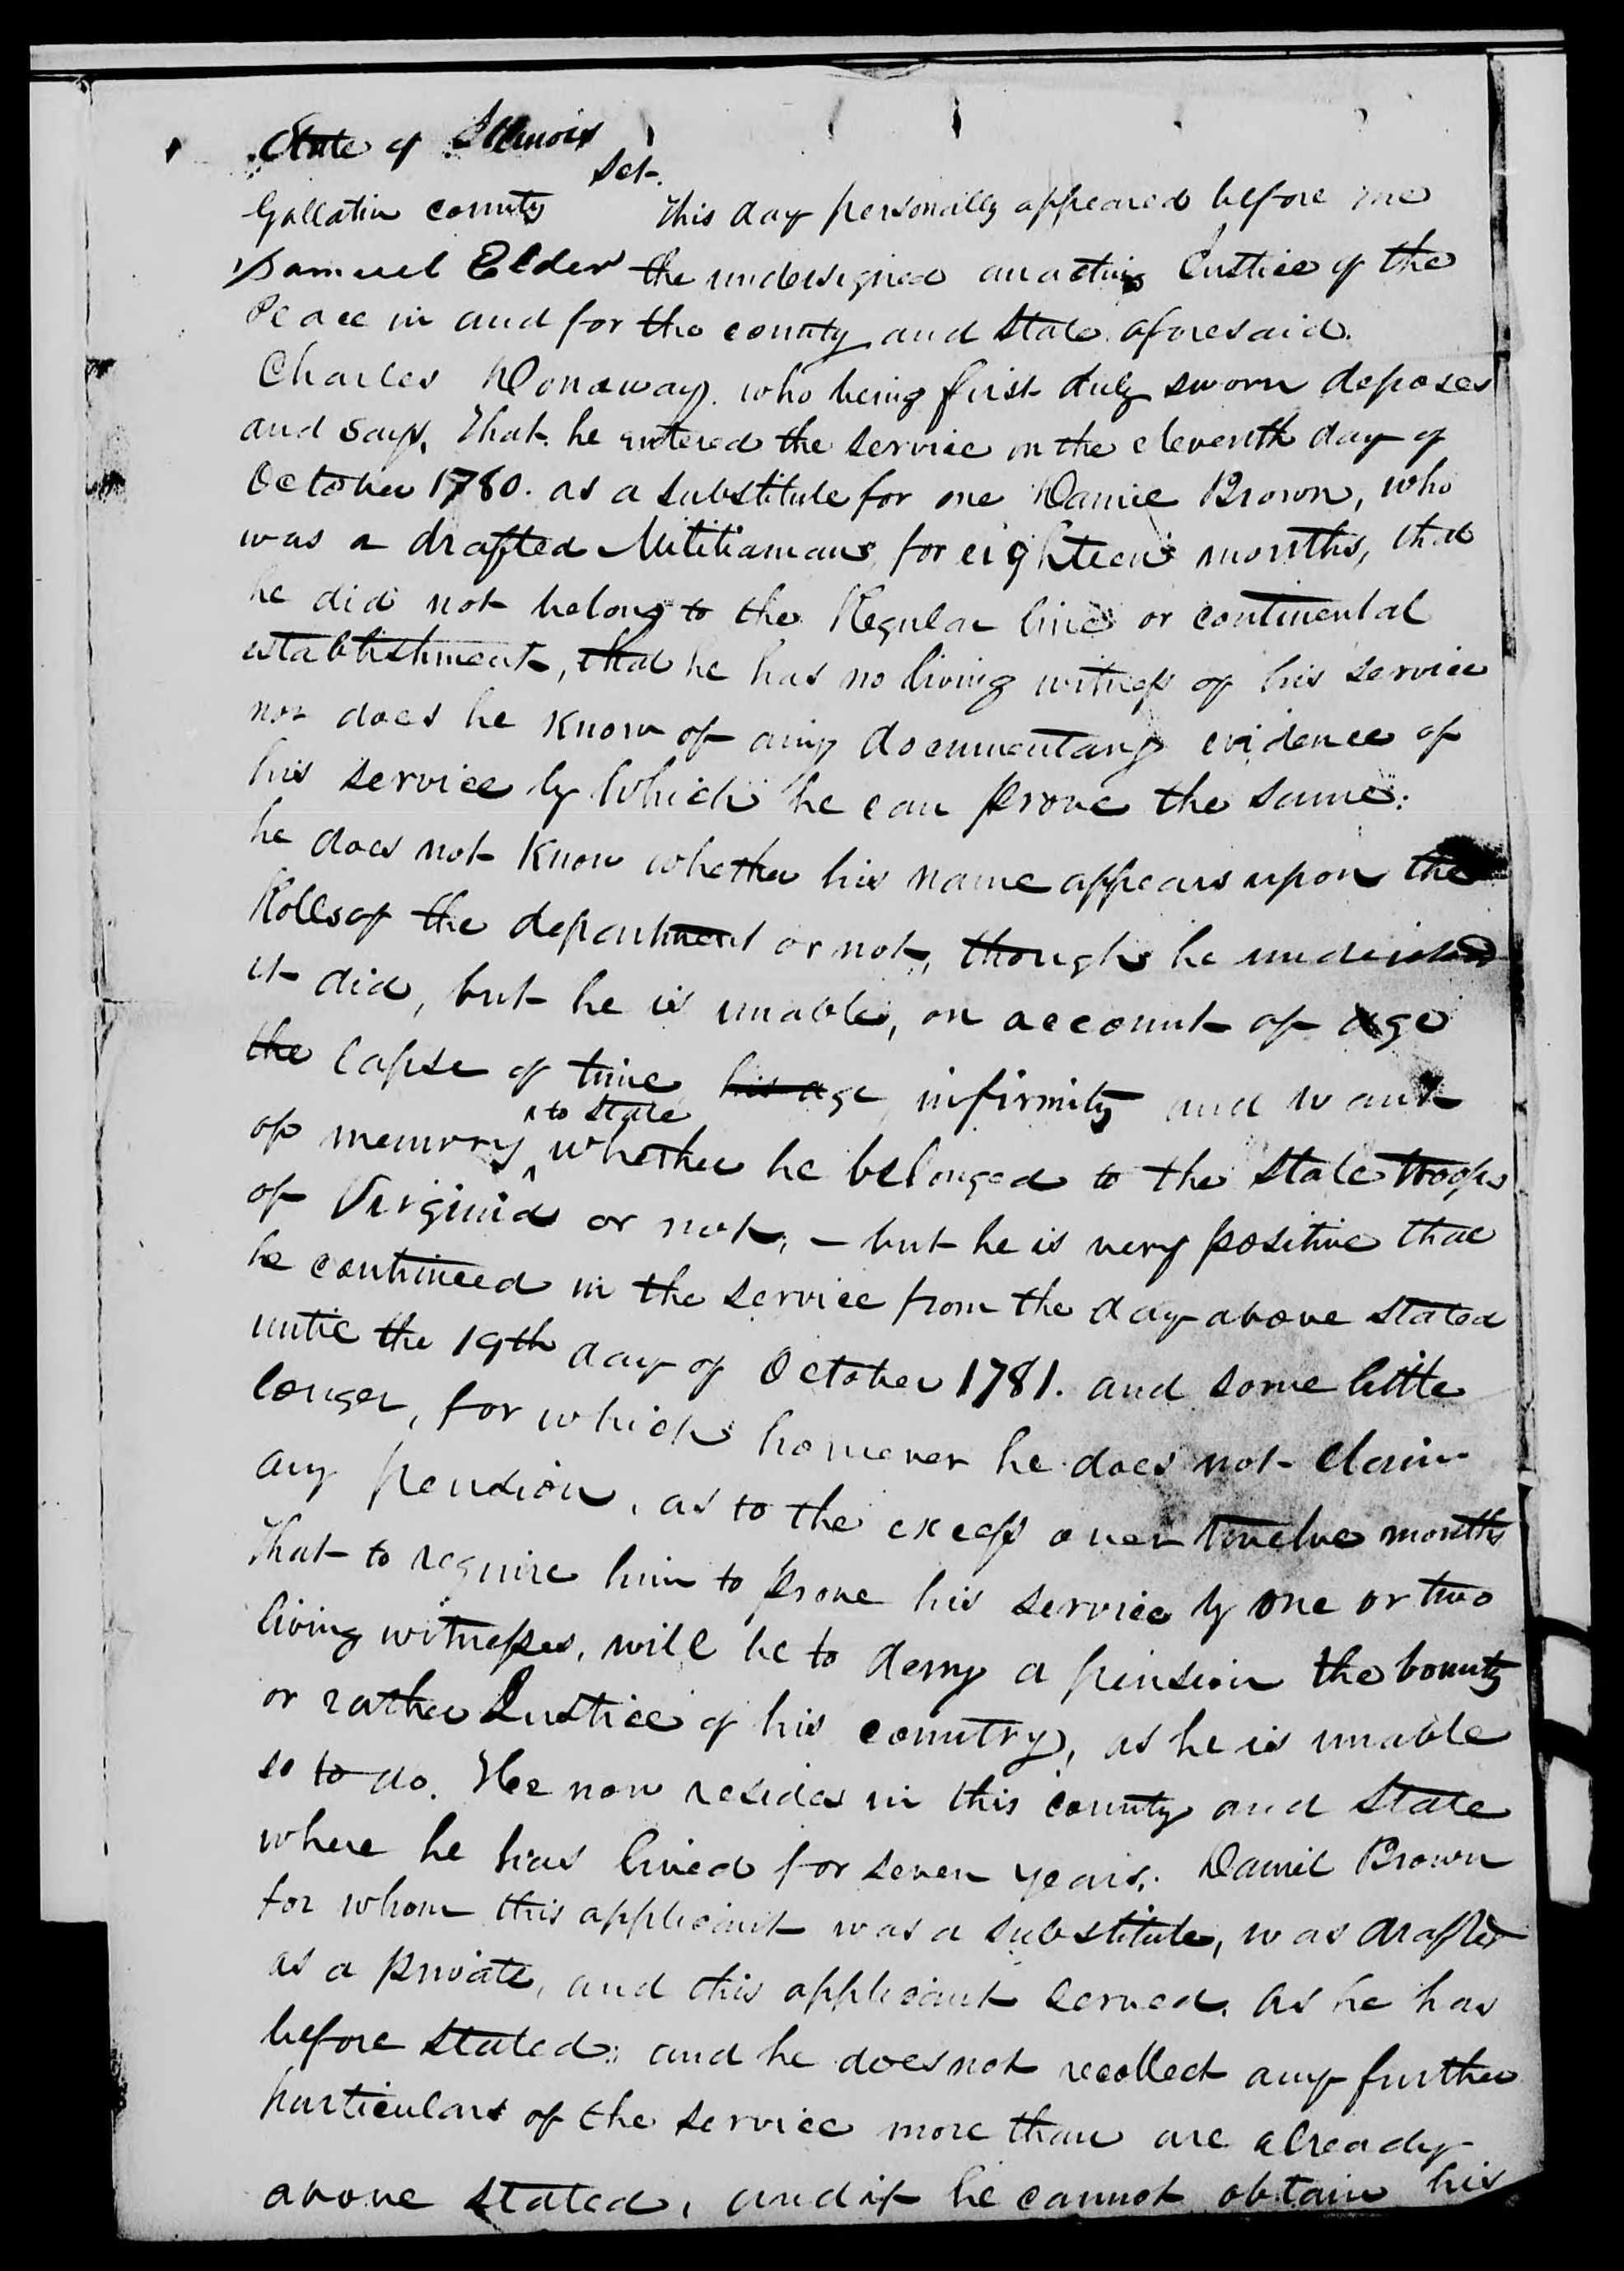State of Illinois
Gallatin County Sct. This day personally appeared before me Samuel Elder the undersigned an acting Justice of the Peace in and for the county and State aforesaid.
Charles Donaway who being first duly sworn deposes and says, That he entered the service on the eleventh day of October 1780 as a substitute for one Daniel Brown, who was a drafted Militiaman for eighteen months, that he did not belong to the Regular line or continental establishment, that he has no living witness of his service nor does he know of any documentary evidence of his service by which he can prove the same:
he does not know whether his name appears upon the Rolls of the department or not, though he understood it did, but he is unable, on account of age the lapse of time infirmity and want of memory to state whether he belonged to the State troops of Virginia or not - but he is very positive that he continued in the service from the day above stated until the 19th day of October 1781 and some little longer, for which however he does not claim any pension, as to the excess over twelve months That to require him to prove his service by one or two living witnesses, will be to deny a pension the bounty or rather the Justice of his country, as he is unable so to do. He now resides in this county and State where he has lived for seven years. Daniel Brown for whom this applicant was a substitute, was drafted as a private, and this applicant served as he has before stated: and he does not recollect any further particulars of the service more than are already above stated, and if he cannot obtain his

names: Daniel Brown, Samuel Elder, Charles Donaway, Daniel Brown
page: 29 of 29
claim: rejected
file: R. 3010, Charles Donaway, Va.